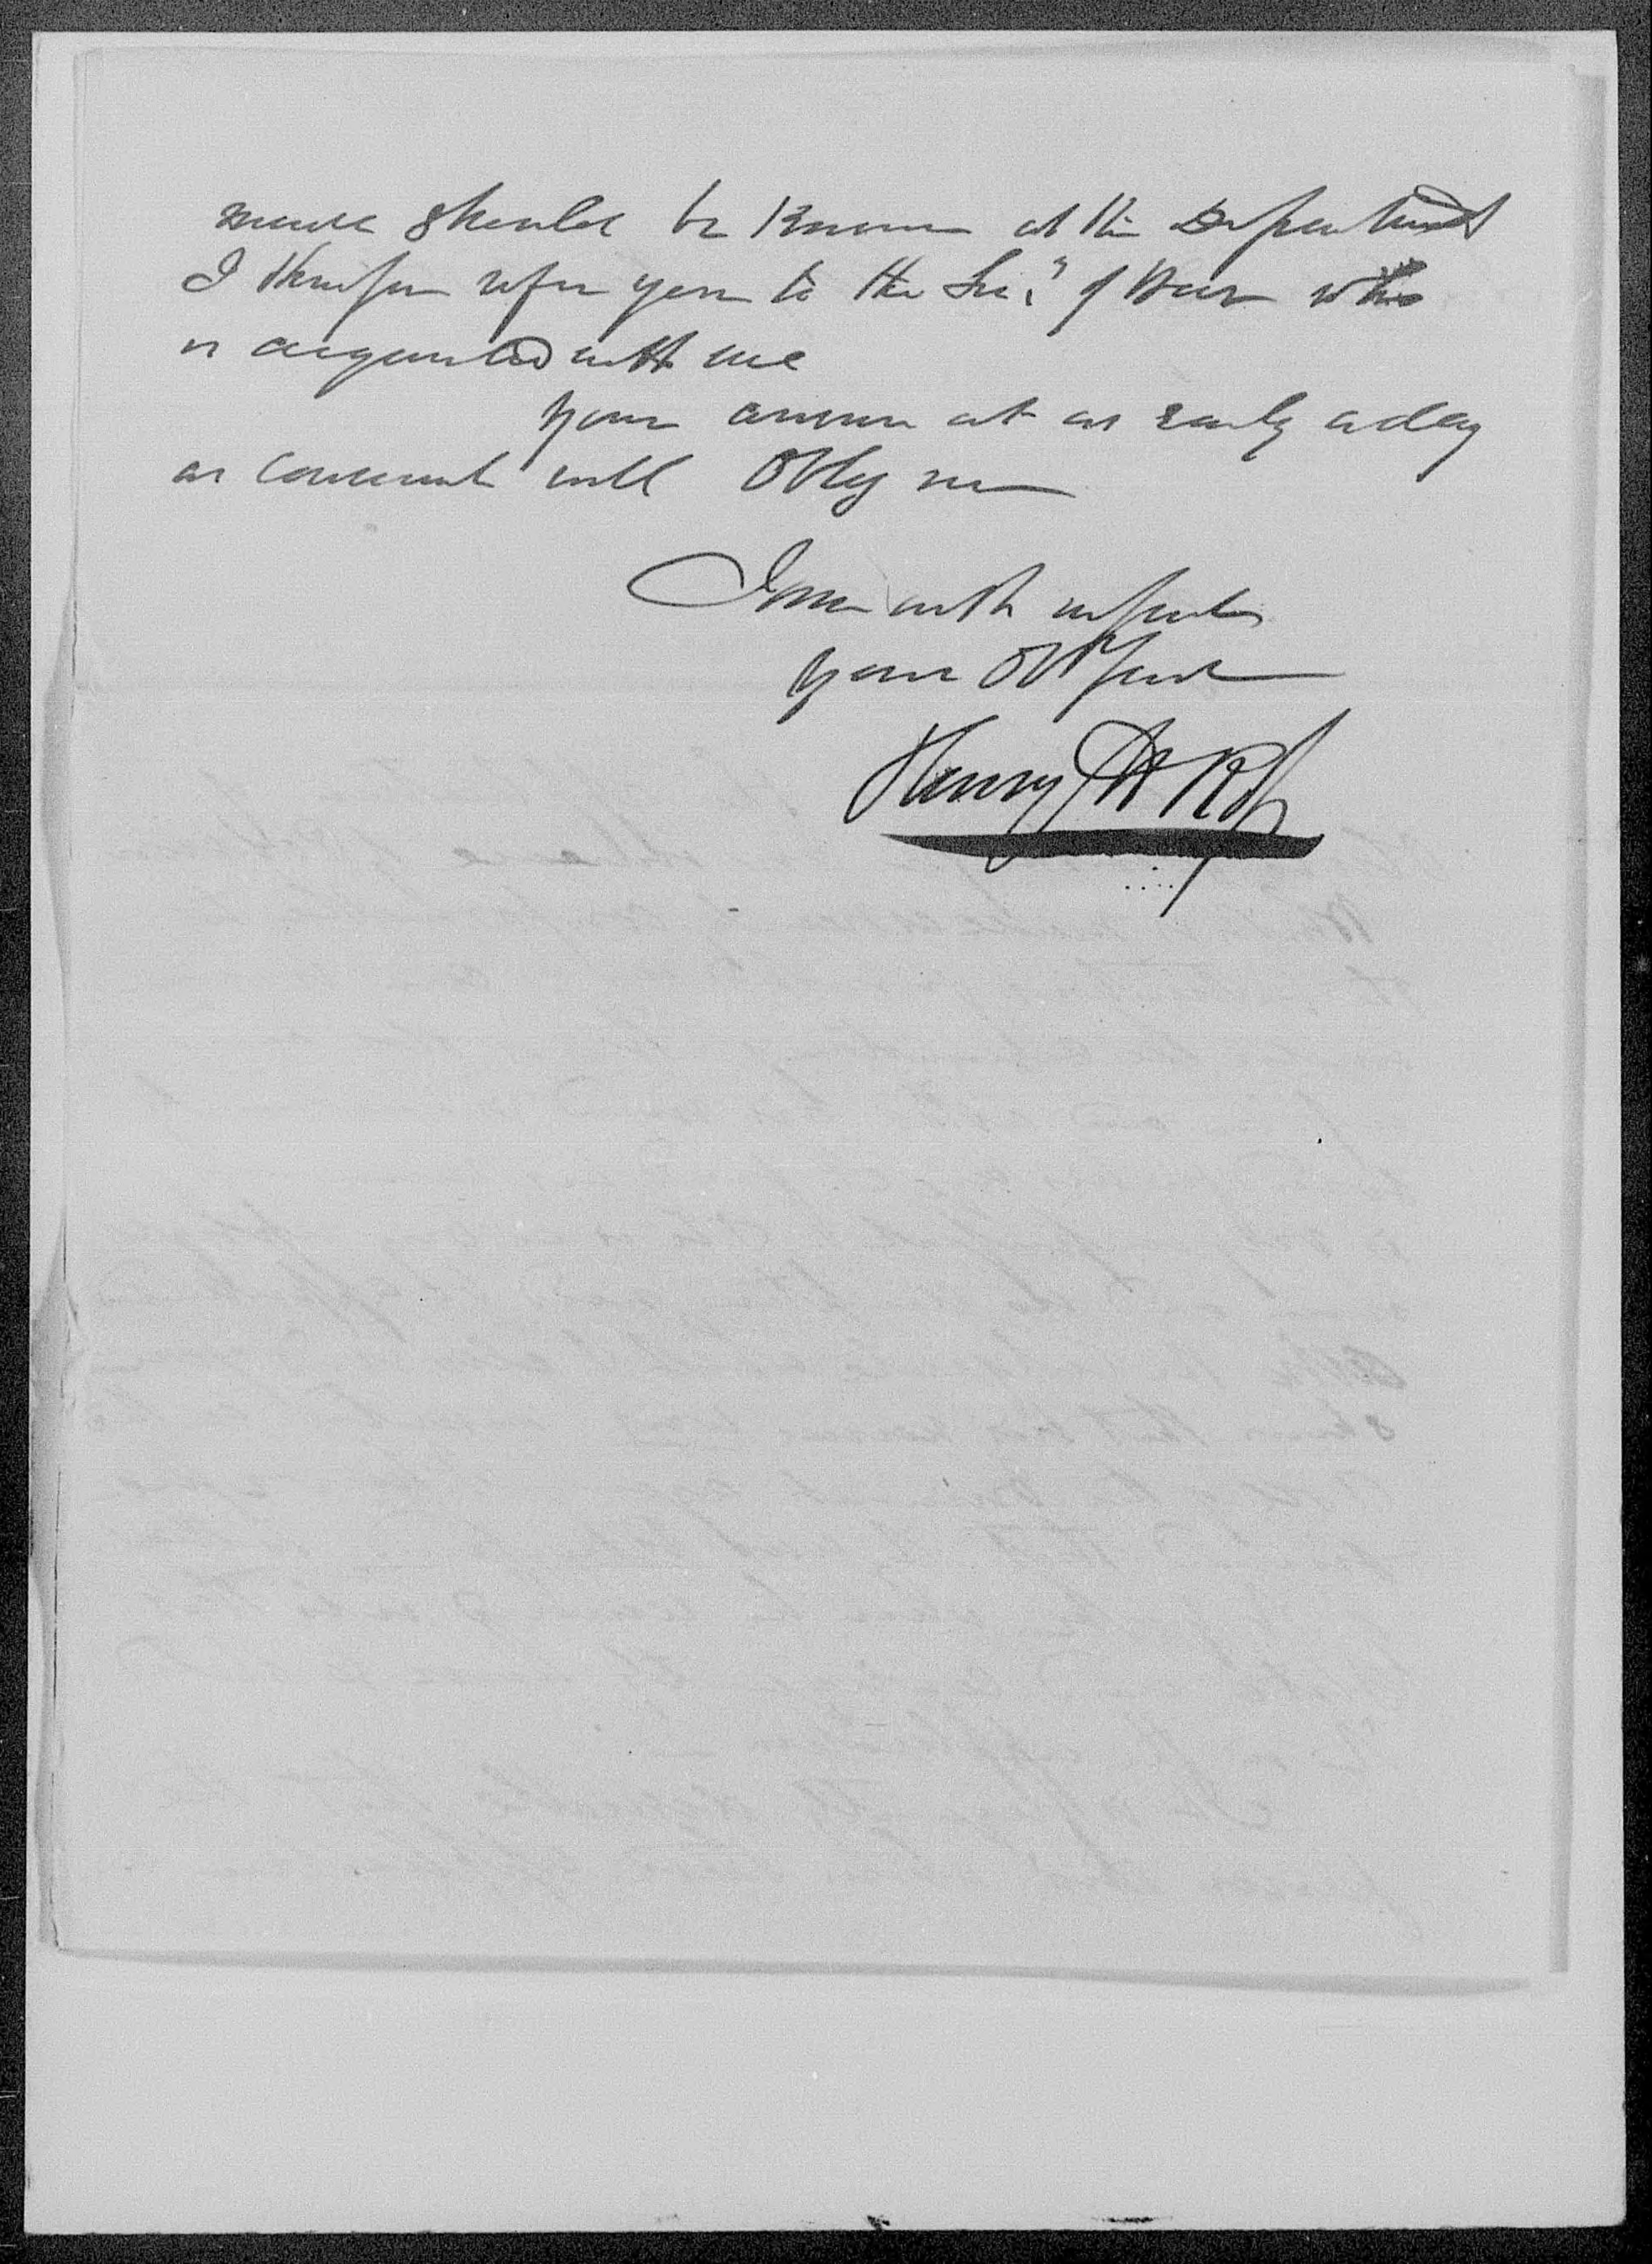made should be known at the Department 
I therefor refer you to the Sec of War who is acquainted with me.  
Your answer as as early day as convenient will oblg me.  
I am respfly
Your obt svt
Henry H. Ross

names: Henry H Ross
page: 38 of 51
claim: widow's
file: W. 1698, Oliver Barker, Conn.